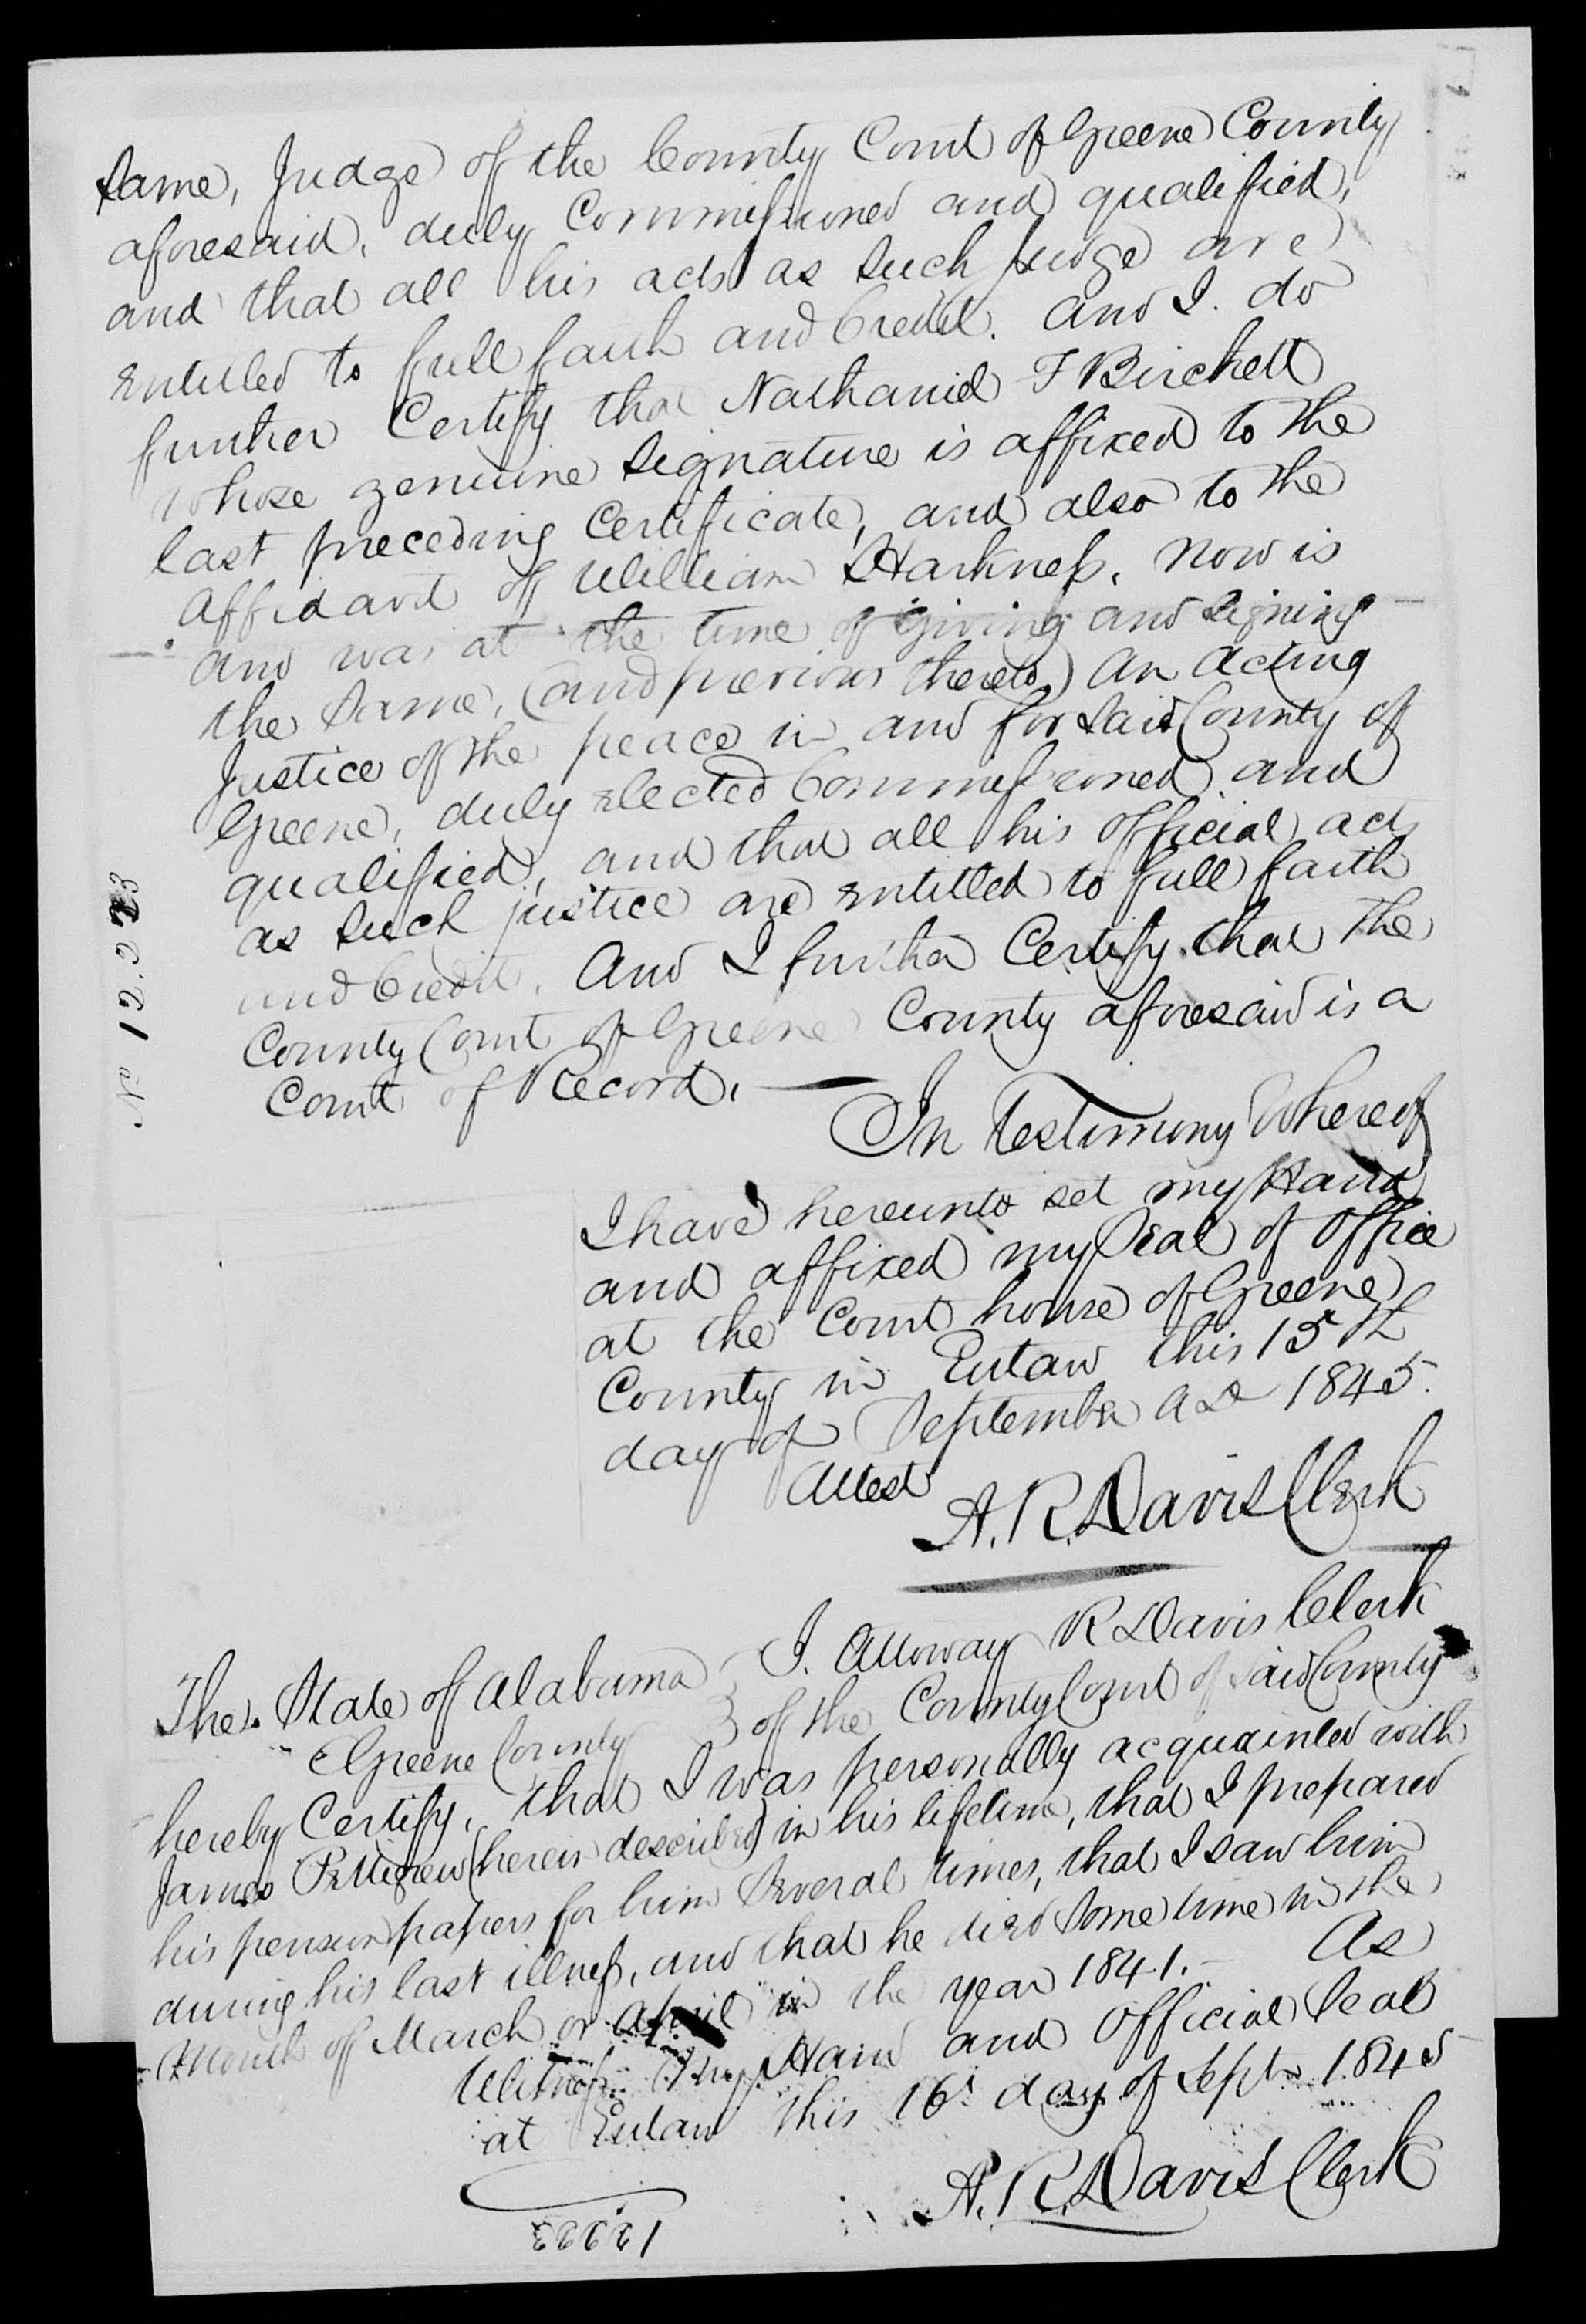Same, Judge of the County Court of Greene County
aforesaid duly commissioned and qualified,
and that all his acts as such Judge are
entitled to full faith and credit and I do
further certify that Nathaniel F Birchett
whose genuine signature is affixed to the
last preceding certificate, and also to the
affidavit of William Harkness. now is
and was at the time of giving and signing
the same, and persons thereto, an acting
Justice of the peace in and for said County of
Greene, duly elected commissioned and
qualified, and that all his official acts
as such justice are entitled to full faith
and credit. And I further certify that the 
Court of Greene County aforesaid is a
Court of Record,

In testimony whereof
I have hereunto set my hand
and affixed my Seal of Office
at the Court house of Greene
County in Eutaw this 15th
day of September AD 1845
Attest
A. R. Davis Clerk

The State of Alabama} I. Alloway R Davis Clerk
Greene County            }  of the County Court of said County
hereby certify, that I was personally acquainted with
James Pettigrew (herein described) in his lifetime, that I prepared
his pension papers for him several times, that I saw him
during his last illness, and that he died some time in the
month of March or April in the year 1841.   As
Witness my Hand and Official Seal
at Eutaw this 16 day of Sept 1845
A. R. Davis Clerk

12.223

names: Nathaniel F Birchett; Attoway R Davis; James Pettigrew; William Harkness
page: 72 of 92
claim: widow's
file: W. 5522, for James Pettigrew, South Carolina